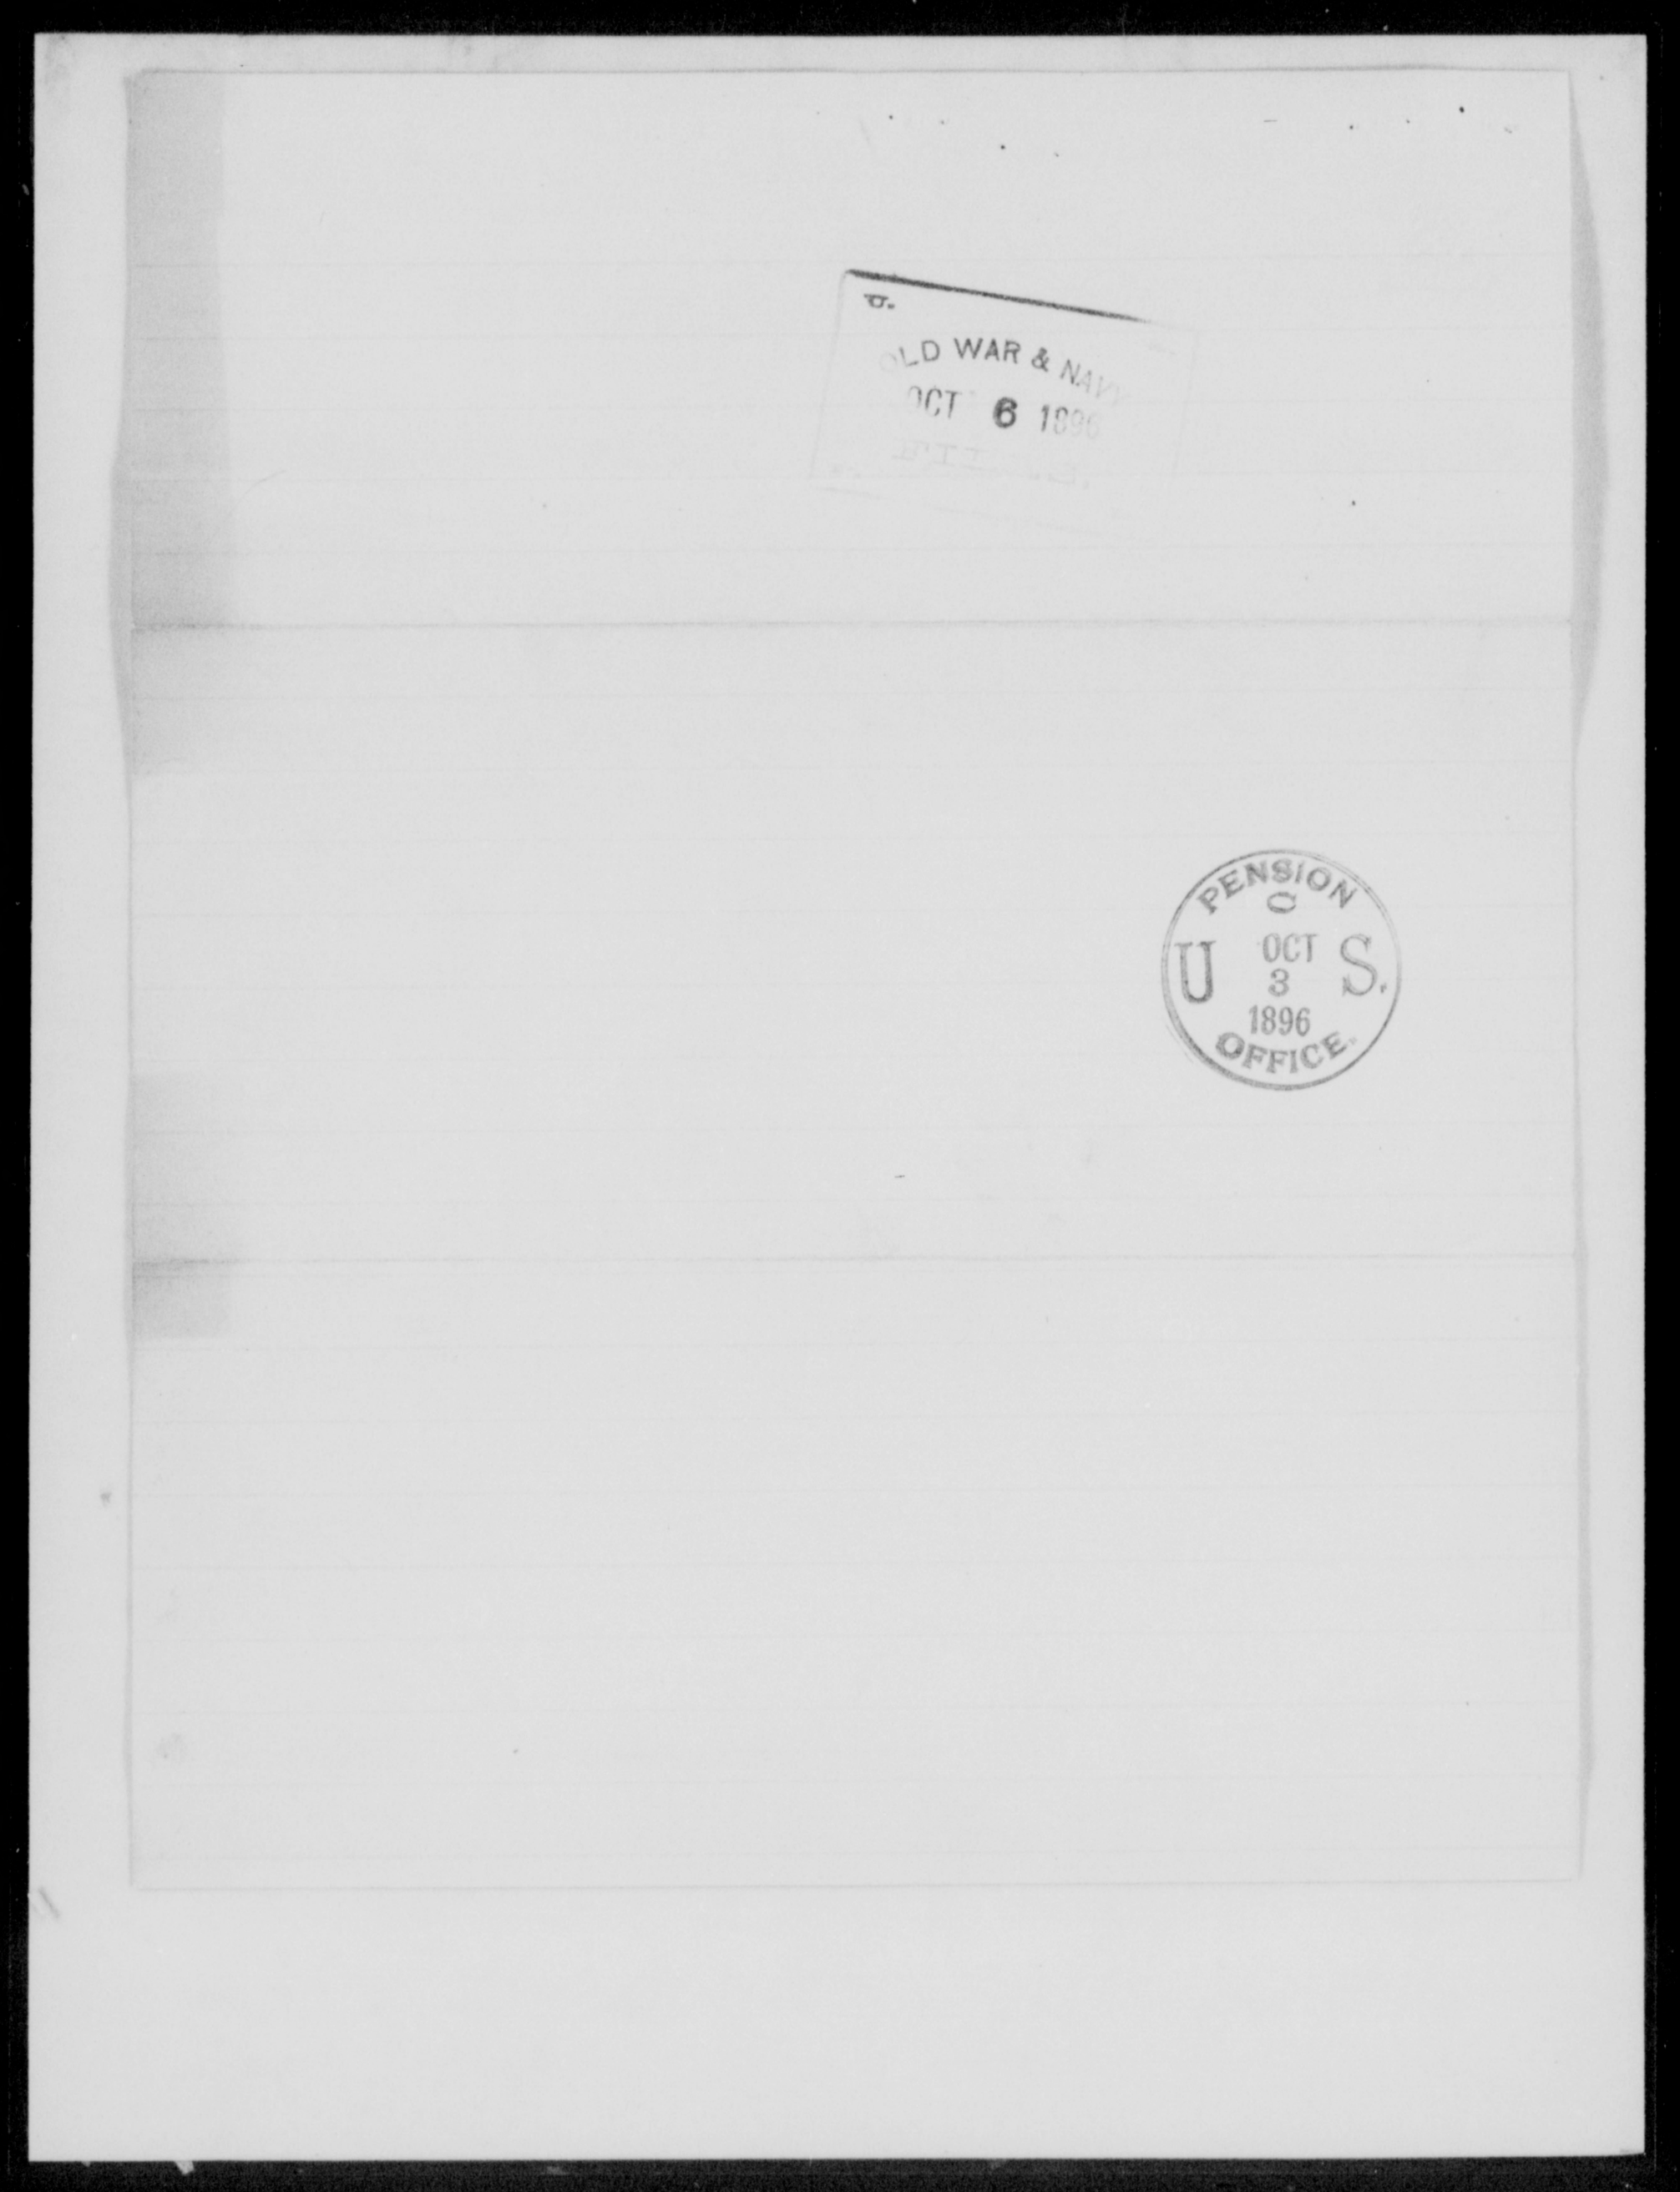[ two stamps]

Old War & Navy
 Oct 6 1896

U. S. Pension Office.
  Oct 3 1896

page: 26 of 34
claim: widow's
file: W. 1677, Isaac Washburn, Mass.